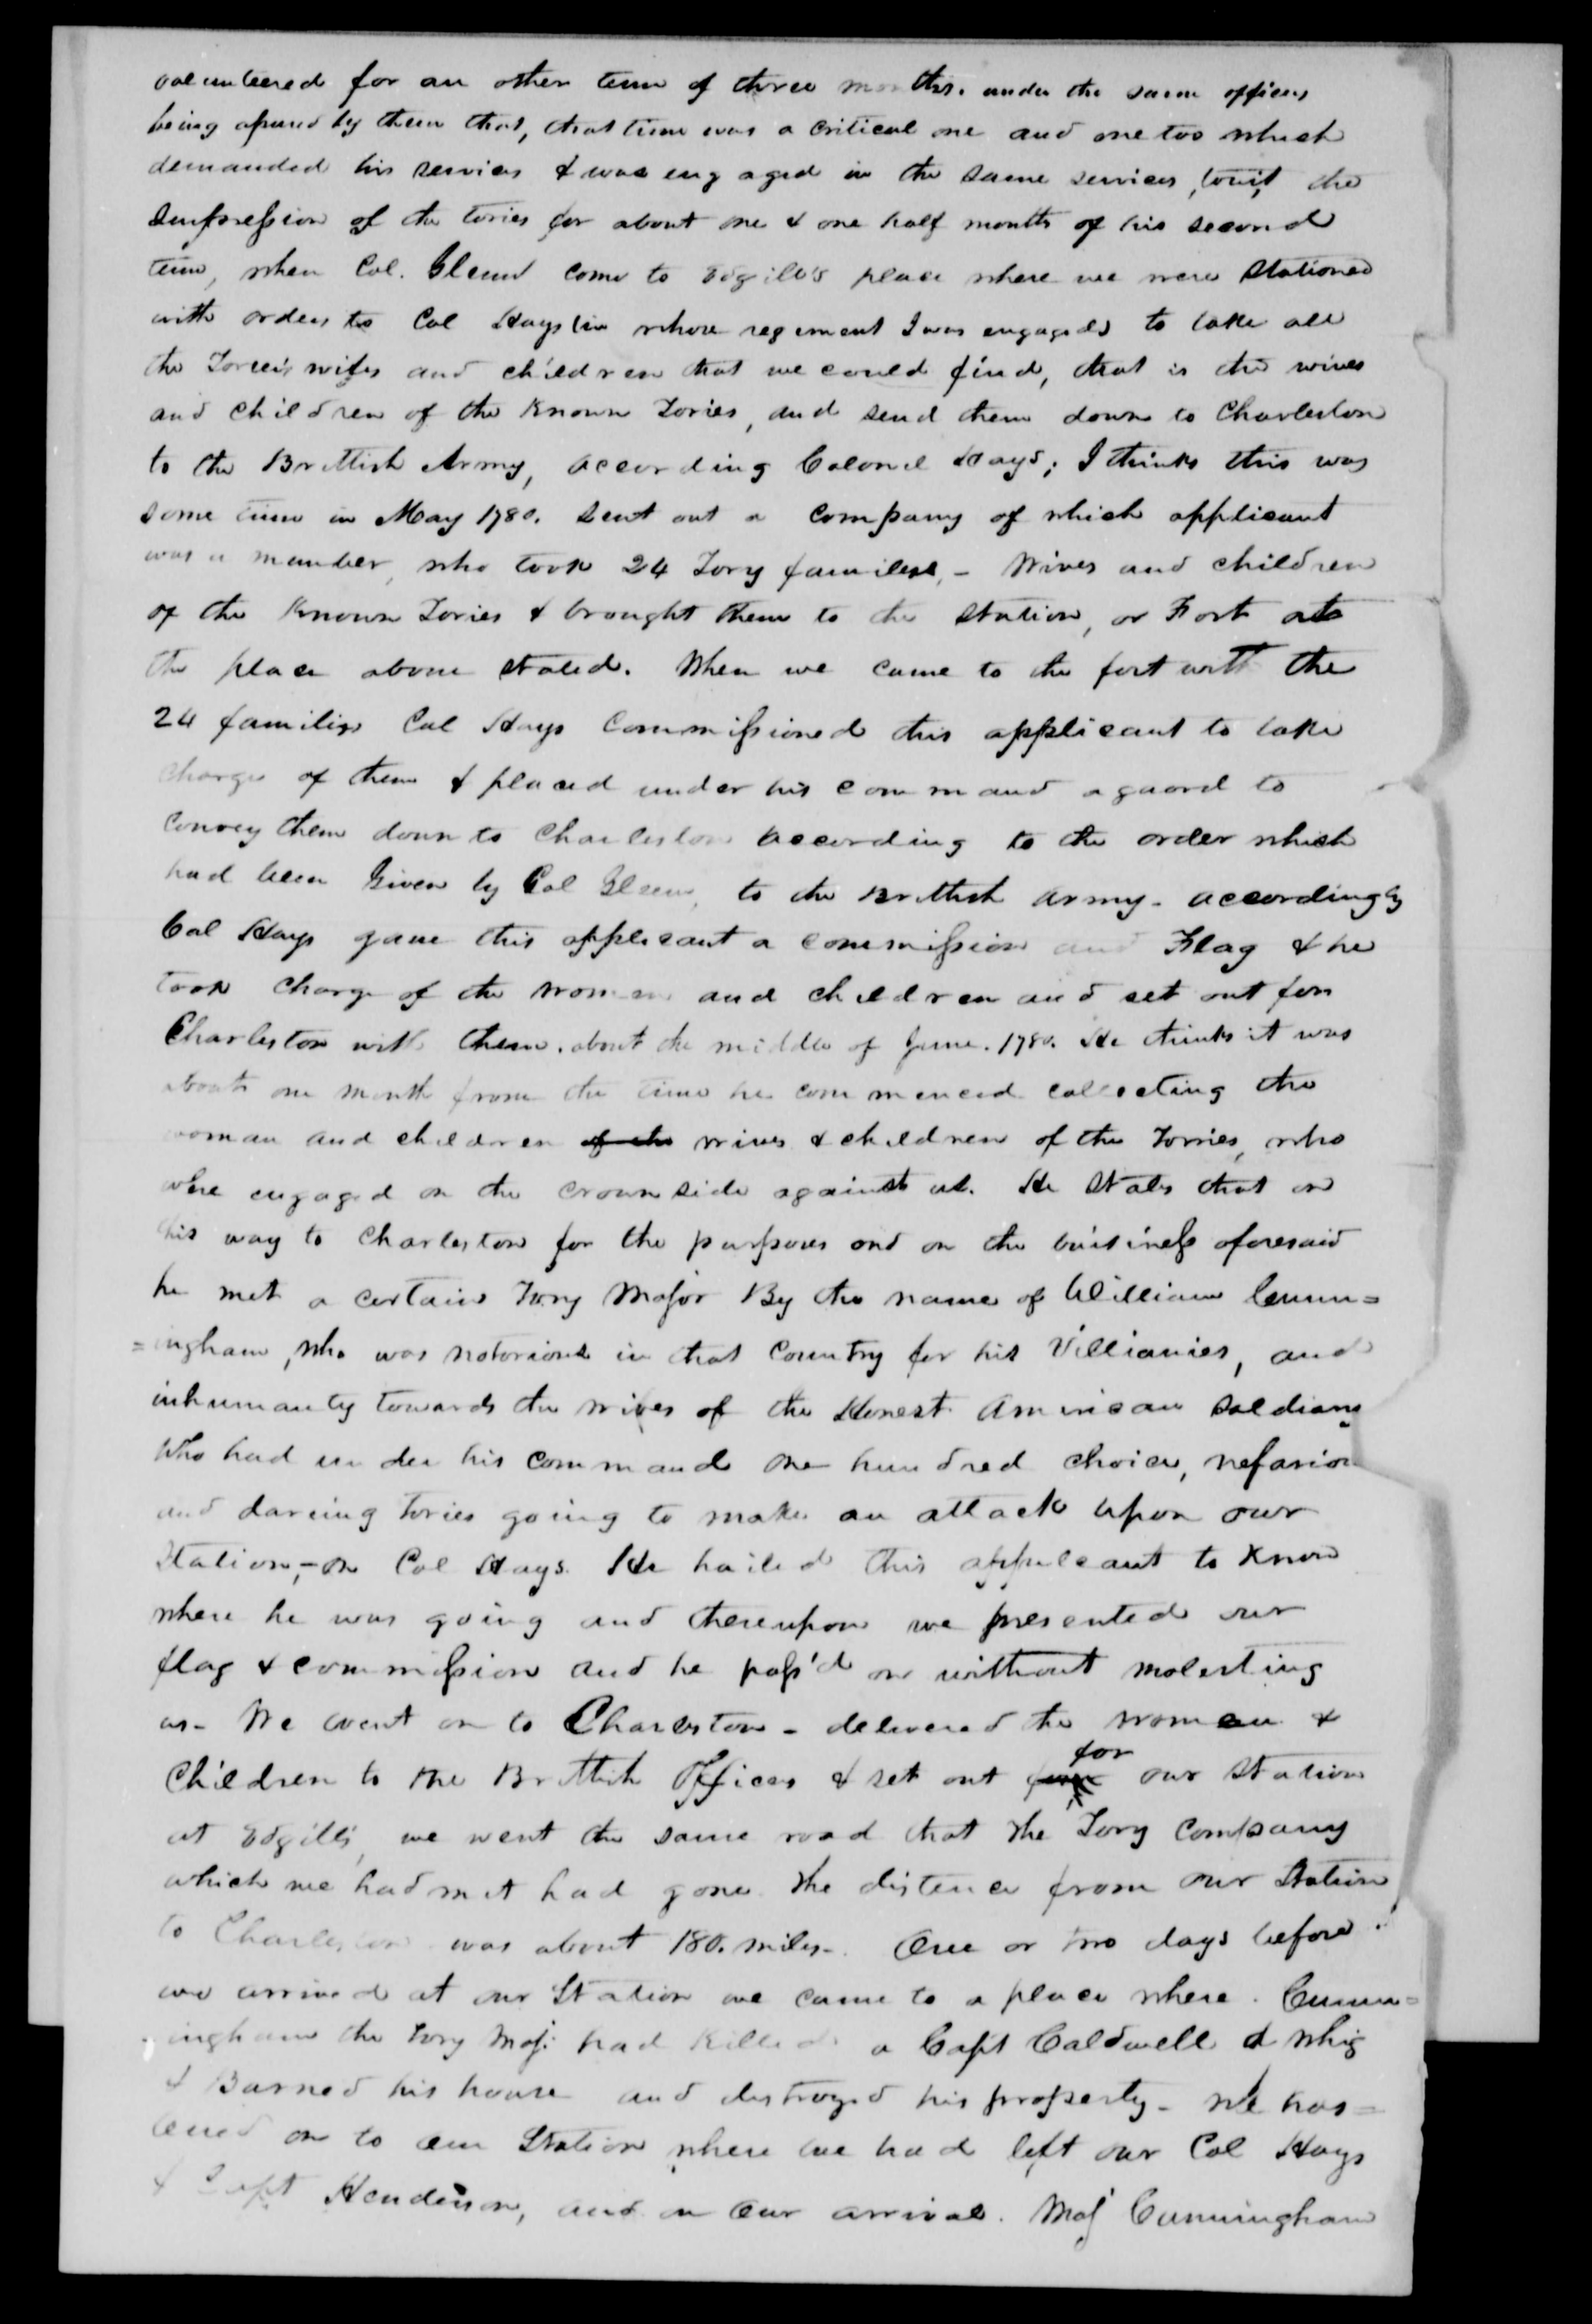volunteered for an other term of three months, under the same officers being assured by three that, that time was a critical one and one too which demanded his services & was engaged in the same services, towit the dissposession of the Tories for about one & one half months of his second term, when Col. Glenn come to Edgill's place where we were stationed with orders to Col Hays (in whose regiment I was engaged) to take all the Tories' wifes and children that we could find, that is the wives and children of the known Tories, and send them down to Charleston to the Brittish Army, according Colonel Hays; think this was some time in May 1780. Sent out a company of which applicant was a member, who took 24 Tory families, - wives and children of hte known Tories & brought them to the station, or Fort at the place above stated.  When we came to the fort with the 24 families Col Hays commissioned this applicant to take charge of them & placed under his command against to convey them down to Charleston according to the order which had been Given by Col Glenn to the Brittish army, accordingly Col Hays gave this applicant a commission and Flag & he took charge of the women and children and set out for Charleston with them, about the middle of June, 1780.  We think it was about one month from the time he commenced collection the woman and children wives & children of the Torries, who were engaged on the crown side against us.  He states that in this way to Charleston for the purposes and on the buisiness aforesaid he met a certain Tory Major by the name of William Cunningham, who was notorious in that country for his villianies, and inhumanity towards the wives of the Honest American soldiers who had under his command one hundred choice, nefarious and daring Tories going to make an attack upon our Station, -- on Col Hays.  He hailed this appilcant to know where he was going and thereupon we presented our flag & commissions and he pass'd on without molesting us.  We went on to Charleston - delivered the woman & children to the Brittish officers & set out for our station at Edgills, we went this same road that the Tory company which we had met had gone.  The distance from our station to Charleston was about 180 miles.  One or two days before we arrived at our station we came to a place where Cunningham the Tory Maj: had killed a Capt Caldwell & Whig  I Burned his house and destroyed his property.  We had went on to our Station where we had left our Col Hays & Capt Henderson, and on our arrival, Maj Cunningham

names: [BLANK] Hays; [BLANK] Hays; William Cunningham; [BLANK] Hays; [BLANK] Caldwell; [BLANK] Hays; [BLANK] Hays; [BLANK] Glenn; [BLANK] Cunningham; [BLANK] Glenn; [BLANK] Henderson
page: 5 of 17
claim: survivor's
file: S. 11401, for James Simpson, South Carolina